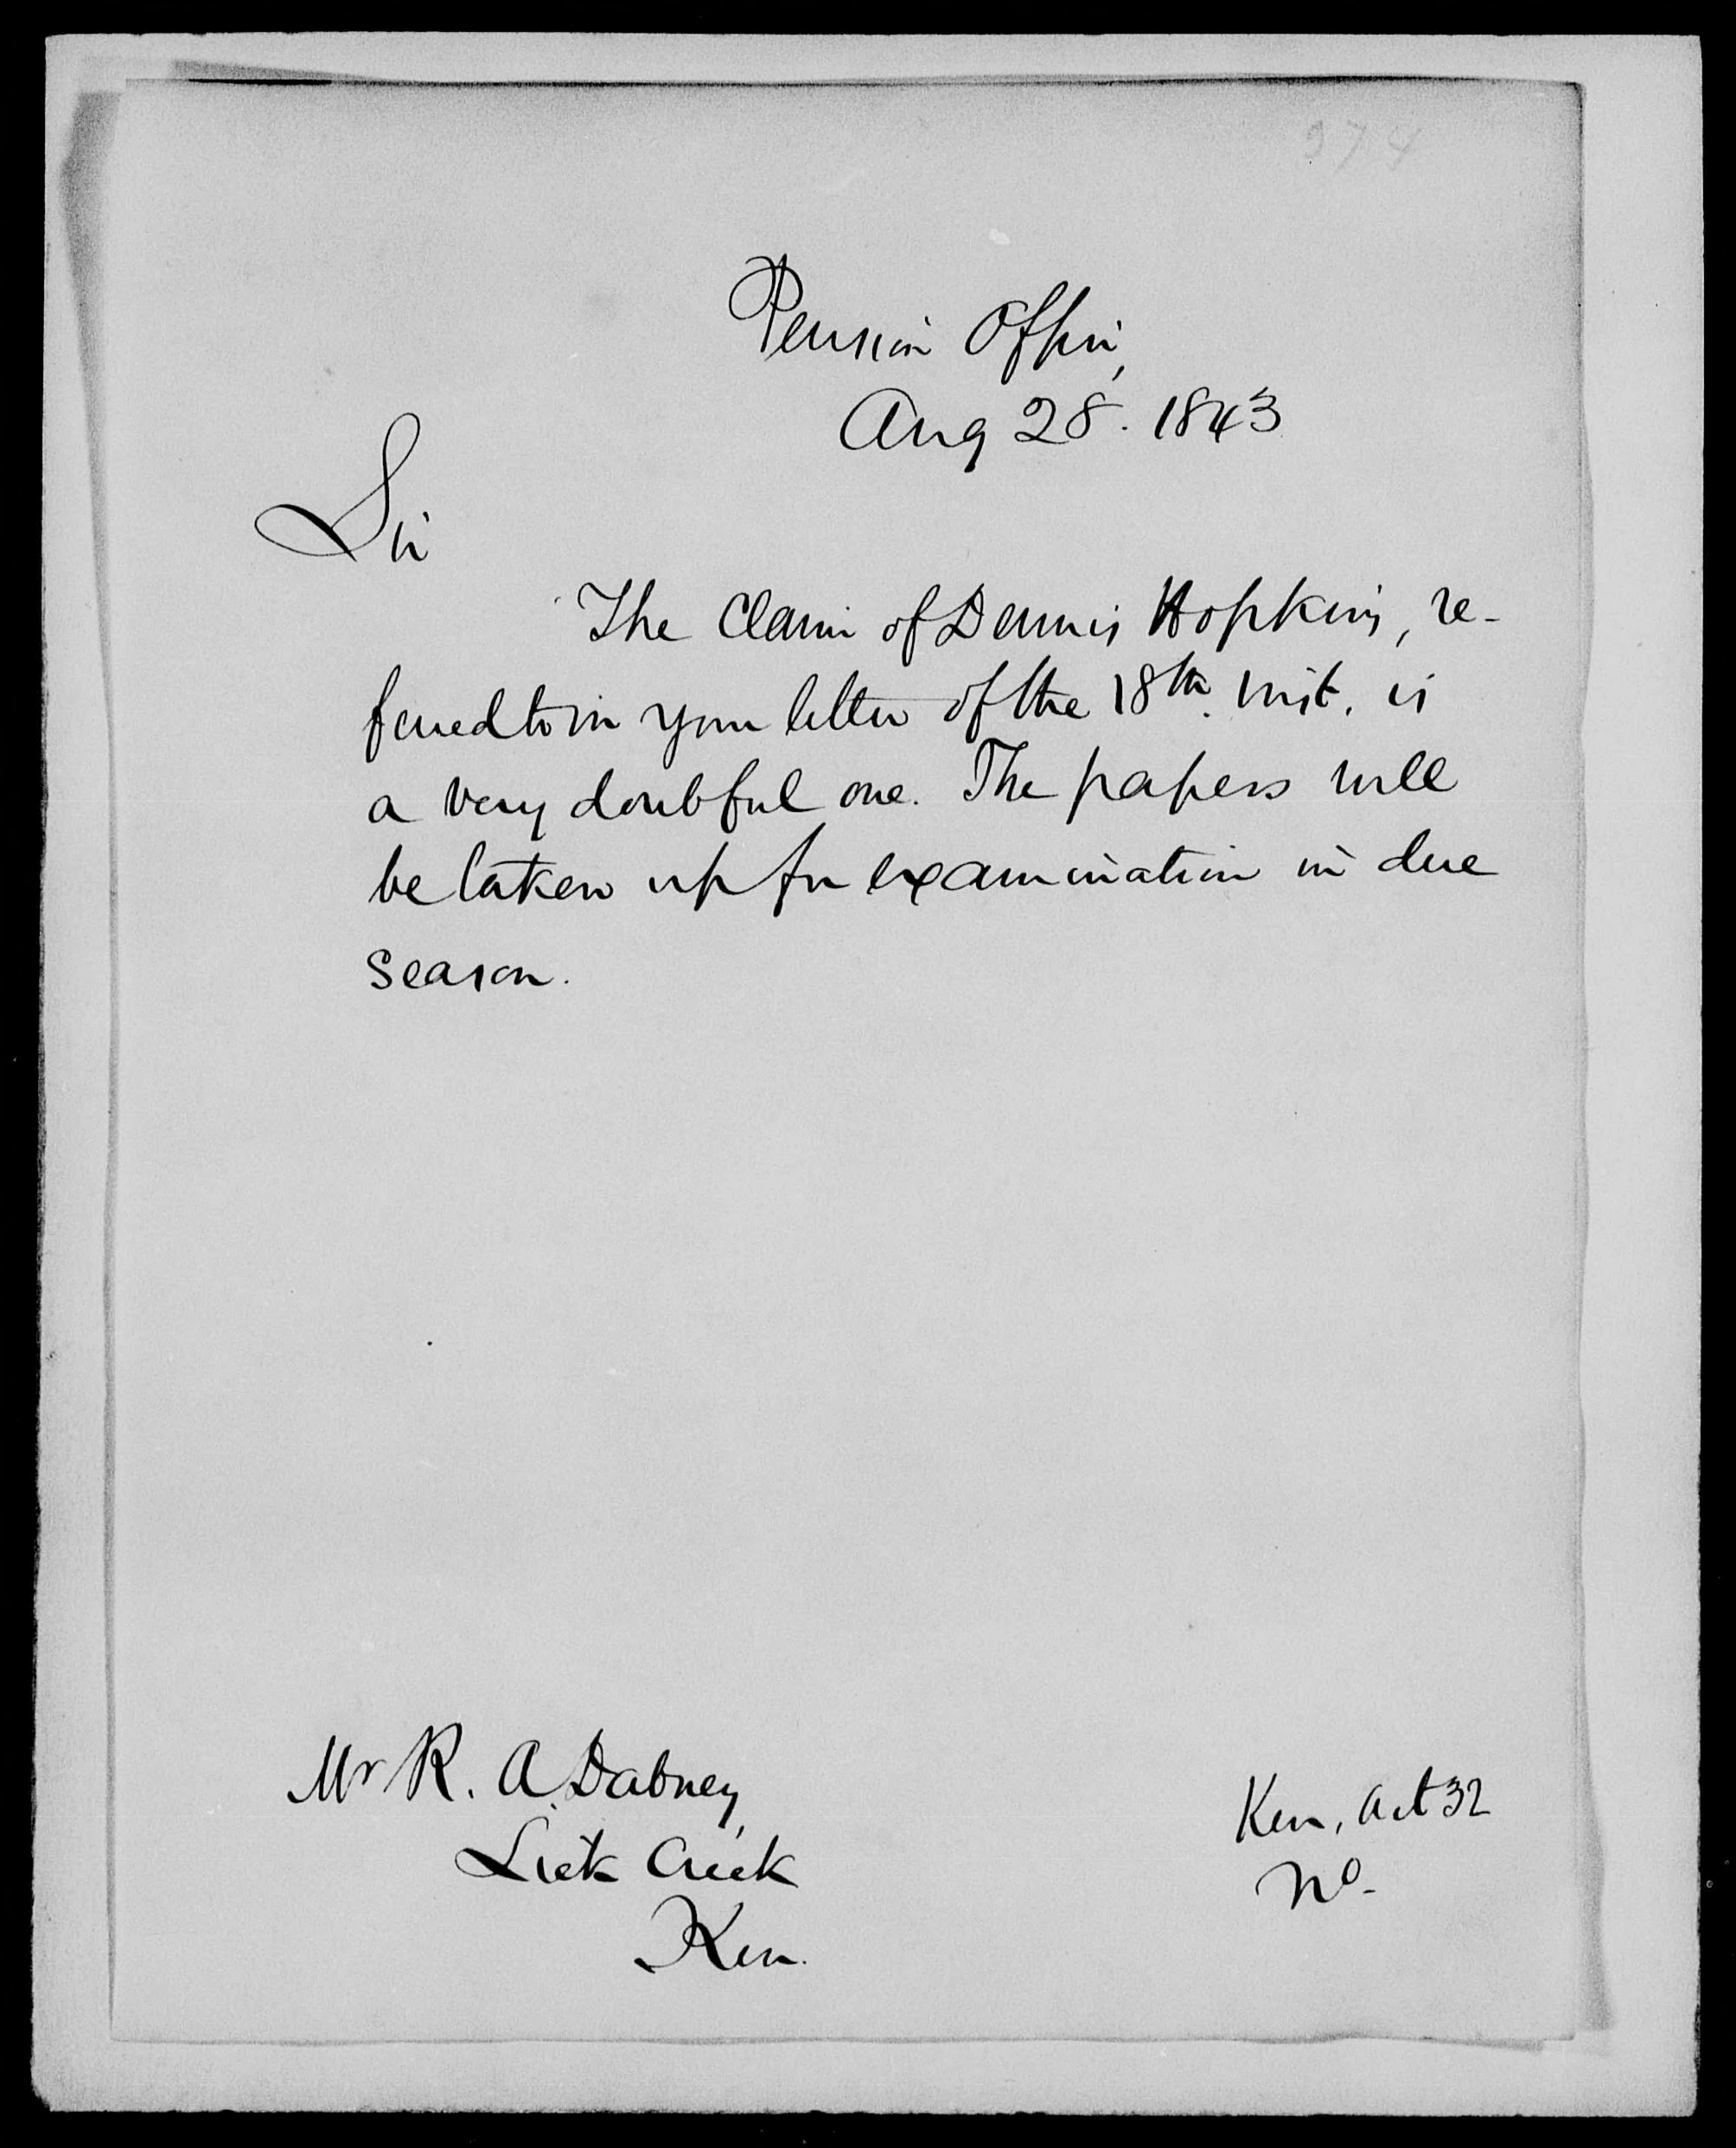Pension Office
Aug 28. 1843

Sir
The claim of Dennis Hopkins referred to in your letter of the 18th wit, is a
very doubful one. The papers will be taken up for examination in due Season.


Mr R. A. Dabney
Lick Creek
Ken
Ken, Act 32
No.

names: R A Dabney, Dennis Hopkins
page: 38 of 144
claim: rejected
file: R. 5208, Dennis Hopkins, N.C.